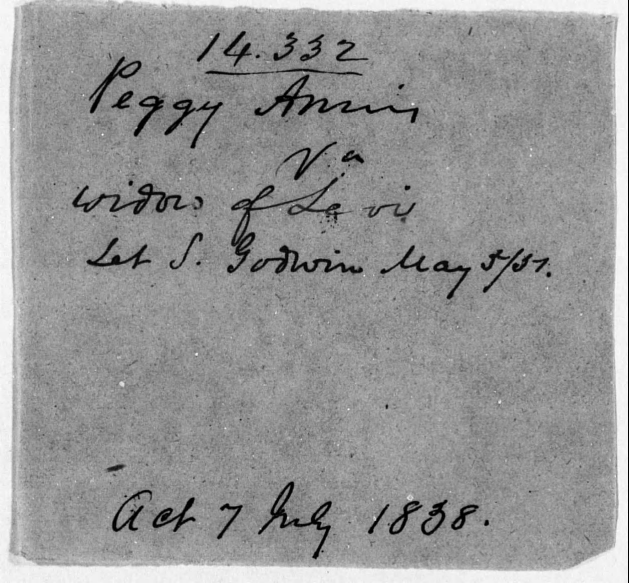14.332
Peggy Annis
Va
widow of Levi
Let S. Godwin May 5/57.

Act 7 July 1838.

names: S Godwin, Levi Annis, Peggy Annis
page: 15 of 27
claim: widow's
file: W 5624, Levi Annis, Va. Va. Sea Service